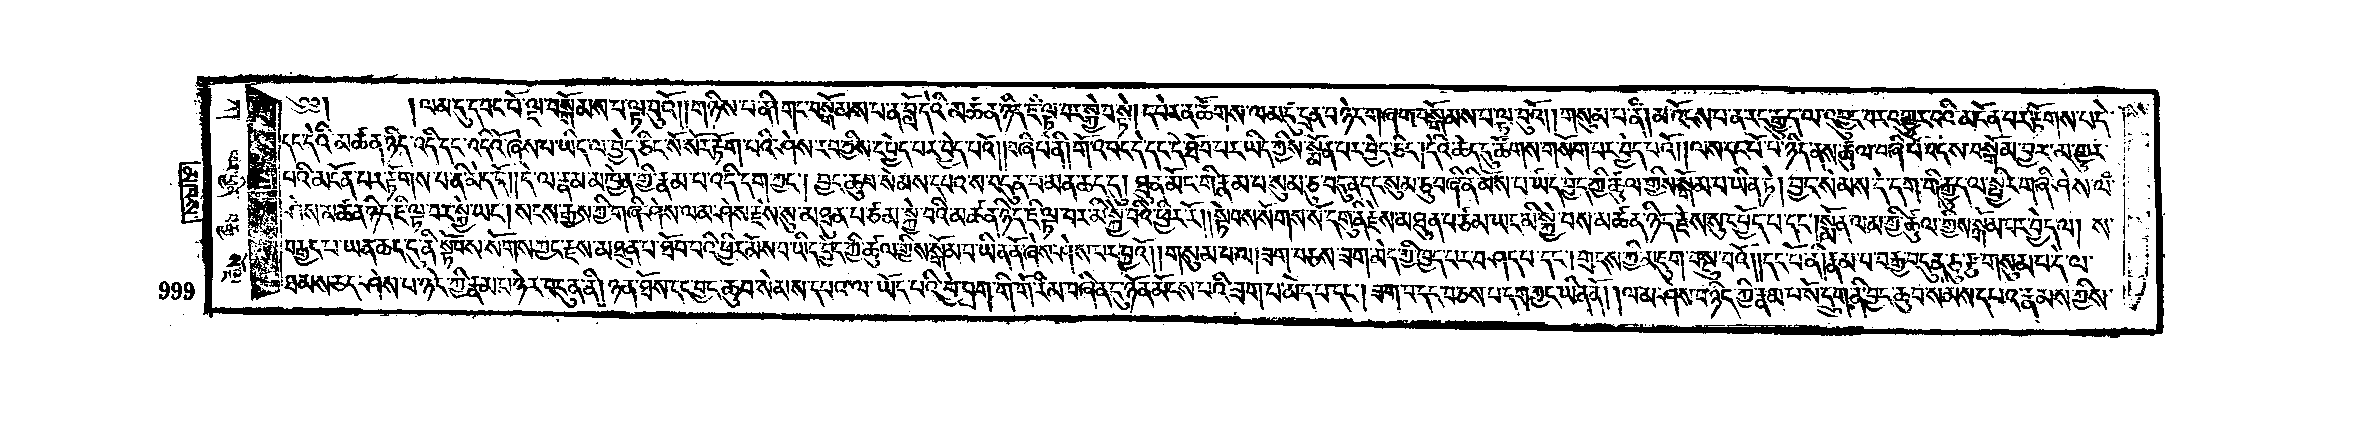༄༅། །ལམ་དུ་དབང་པོ་ལྔ་བསྒོམས་པ་ལྟ་བུའོ། །གཉིས་པ་ནི། གང་བསྒོམས་པ་ན་བློ་དེའི་མཚན་ཉིད་ཇི་ལྟ་བར་སྐྱེ་བ་སྟེ། དཔེར་ན་ཚོགས་ལམ་དུ་དྲན་པ་ཉེར་གཞག་བསྒོམས་པ་ལྟ་བུའོ། །གསུམ་པ་ནི། མ་འོངས་པ་ན་རང་རྒྱུད་ལ་འབྱུང་བར་འགྱུར་བའི་མངོན་པར་རྟོགས་པ་དེ་
དང་དེའི་མཚན་ཉིད་འདི་དང་འདིའོ་ཞེས་པ་ཡིད་ལ་བྱེད་ཅིང་སོ་སོར་རྟོག་པའི་ཤེས་རབ་ཀྱིས་དཔྱེད་པར་བྱེད་པའོ། །བཞི་པ་ནི། གོ་འབང་དེ་དང་དེ་ཐོབ་པར་ཡིད་ཀྱིས་སྨོན་པར་བྱེད་ཅིང་། དེའི་ཆེད་དུ་ཚོགས་གསོག་པར་བྱེད་པའོ། །ལས་དང་པོ་བ་ཉིད་ནས་ཚུལ་བཞི་པོ་འདས་བསྒོམ་བྱར་མ་གྱུར་
པའི་མངོན་པར་རྟོགས་པ་ནི་མེད་དོ། །དེ་ལ་རྣམ་མཁྱེན་གྱི་རྣམ་པ་འདི་དག་ཀྱང་། བྱང་ཆུབ་སེམས་དཔའ་ས་བདུན་པ་མན་ཆད་དུ། ཐུན་མོང་གི་རྣམ་པ་སུམ་ཅུ་བདུན་དང་སུམ་བུ་བཞི་ནི་མོས་པ་ཡིད་བྱེད་ཀྱི་ཚུལ་གྱིས་སྒོམ་པ་ཡིན་ཏེ། བྱང་སེམས་དེ་དག་གི་རྒྱུད་ལ་སྤྱིར་གཞི་ཤེས་ལམ་
ཤེས་མཚན་ཉིད་ཇི་ལྟ་བར་སྐྱེ་ཡང་། སངས་རྒྱས་ཀྱི་གཞི་ཤེས་ལམ་ཤེས་རྗེས་སུ་མཐུན་པ་ཙམ་སྐྱེ་བའི་མཚན་ཉིད་ཇི་ལྟ་བར་མི་སྐྱེ་བའི་ཕྱིར་རོ། །སྟོབས་སོགས་སོ་དགུ་ནི་རྗེས་མཐུན་པ་ཙམ་ཡང་མི་སྐྱེ་བས་མཚན་ཉིད་རྗེས་སུ་དཔྱོད་པ་དང་། སྨོན་ལམ་གྱི་ཚུལ་གྱིས་སྒོམ་པར་བྱེད་ལ། ས་
བརྒྱད་པ་ཡན་ཆད་དུ་ནི་སྟོབས་སོགས་ཀྱང་རྗེས་མཐུན་པ་ཐོབ་པའི་ཕྱིར་མོས་པ་ཡིད་བྱེད་ཀྱི་ཚུལ་གྱིས་སྒོམ་པ་ཡིན་ནོ་ཞེས་ཤེས་པར་བྱའོ། །གསུམ་པ་ལ། ཟག་བཅས་ཟག་མེད་ཀྱི་ཁྱད་པར་བཤད་པ་དང་། གྲངས་ཀྱི་མཇུག་བསྡུ་བའོ། །དང་པོ་ནི། རྣམ་པ་བརྒྱ་བདུན་ཅུ་རྩ་གསུམ་པ་དེ་ལ་
ཐམས་ཅད་ཤེས་པ་ཉིད་ཀྱི་རྣམ་པ་ཉེར་བདུན་ནི། ཉན་ཐོས་དང་བྱང་ཆུབ་སེམས་དཔའ་ལ་ཡོད་པའི་བྱེ་བྲག་གི་གོ་རིམ་བཞིན་དུ་ཉོན་མོངས་པའི་ཟག་པ་མེད་པ་དང་། ཟག་པ་དང་བཅས་པ་དག་ཀྱང་ཡིན་ནོ། །ལམ་ཤེས་པ་ཉིད་ཀྱི་རྣམ་པ་སོ་དྲུག་ནི་བྱང་ཆུབ་སེམས་དཔའ་རྣམས་ཀྱིས་